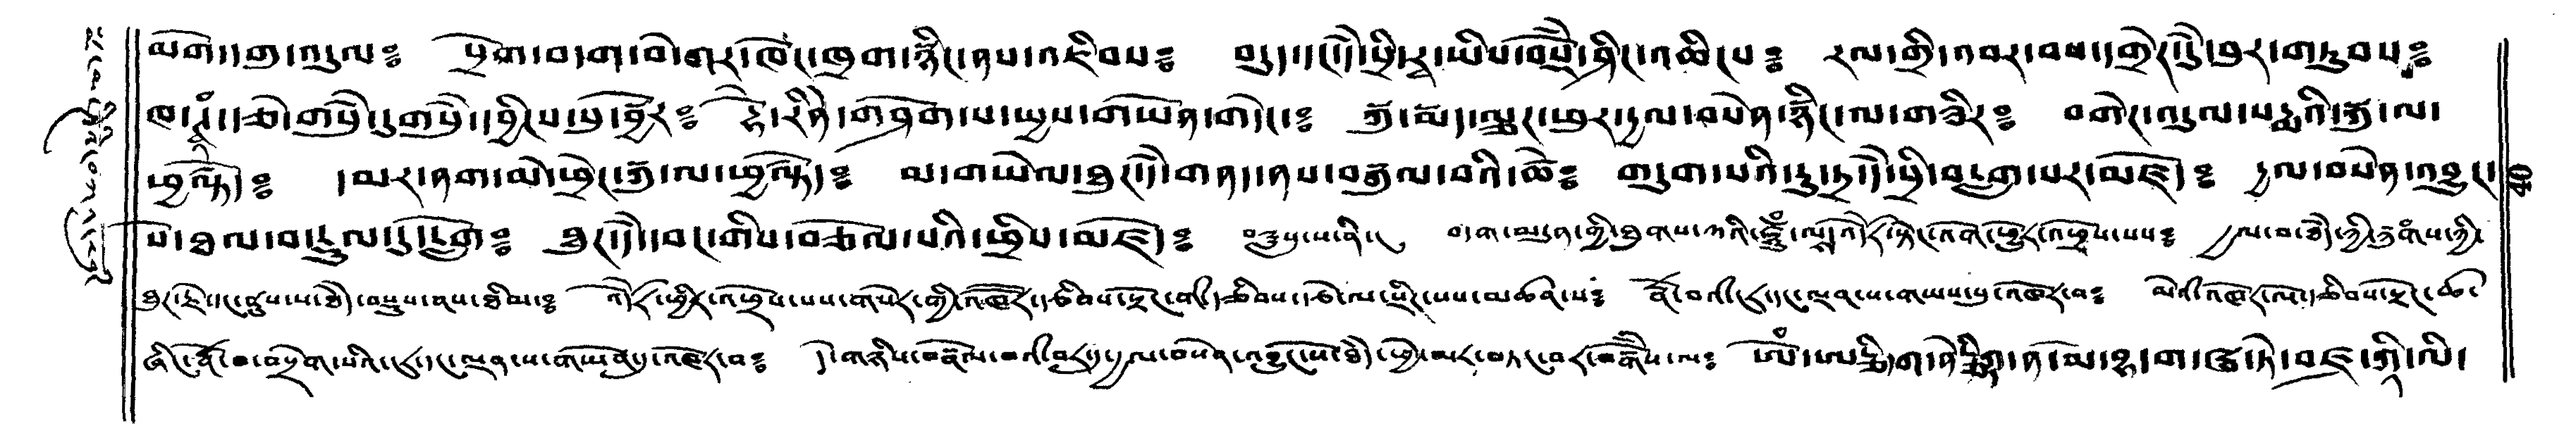མགོ་དགུ་འདུལ༔ སྲོག་བདག་པེ་ཀར་ཁོང་ཁྲག་སྙིང་ནས་འཇིབས༔ བདུད་དང་དམ་སྲི་རྭ་ཡིས་བསྡོམས་ཤིང་ཆིངས༔ རལ་གྲི་འབར་བས་དགྲ་བགེགས་དུམ་བུར་གཏུབས༔ 
ཁ་ཊྭཾ་རྩེ་གསུམ་དུག་གསུམ་དབྱིངས་སུ་སྦྱོར༔ རྡོ་རྗེ་རིན་ཆེན་གཤོག་པ་གཡས་གཡོན་གདེང༔ སྐུ་སྨད་ལྕགས་ཕུར་རྒྱལ་བསེན་སྙིང་ལ་གཟིར༔ བགེགས་འདུལ་པདྨའི་སྐུ་ལ་
ཕྱག་འཚལ་བསྟོད༔ དམར་ནག་མེ་ཕྲེང་སྐུ་ལ་ཕྱག་འཚལ་བསྟོད༔ མ་གཡེལ་ཐུགས་དམ་གནད་ནས་བསྐུལ་བའི་ཚེ༔ གདུག་པའི་རུ་ཏྲ་དམ་སྲི་བརླག་པར་མཛོད༔ རྒྱལ་བསེན་འབྱུང་
པོ་ཐལ་བའི་རྡུལ་དུ་རློགས༔ ཐུགས་དམ་དབང་གིས་བཅོལ་པའི་ཕྲིན་ལས་མཛོད༔ བཟླས་པ་ནི། བདག་མདུན་གྱི་ཐུགས་ཀའི་ཧཱུྃ་ལས་འོད་ཟེར་སྟེང་འོག་ཕྱོགས་བཅུར་འཕྲོས་པས༔ རྒྱལ་བ་ཐམས་ཅད་ཀྱི་
ཐུགས་རྗེ་དང་ནུས་པ་ཐམས་ཅད་བསྡུས་ནས་ཐིམ༔ འོད་ཟེར་ཕྱིར་འཕྲོས་པས་གསེར་གྱི་འཁོར་ལོ་རྩིབས་སྟོང་གི་རྩེ་ལ་སྡིག་པས་མཚན་པ༔ རྣོ་བའི་ངར་དང་ལྡན་པ་གཡས་སུ་འཁོར་བ༔ མེའི་འཁོར་ལོ་རྩིབས་སྟོང་ཚ་
ཞིང་རྣོ་བ་སྲེག་པའི་ངར་དང་ལྡན་པ་གཡོན་དུ་འཁོར་བ༔ དེ་གཉིས་བསྣོལ་བའི་བར་དུ་རྒྱལ་བསེན་འབྱུང་པོ་ཐམས་ཅད་ཕྱེ་མར་བཏང་བར་བསྒོམས་ལ༔ ཨོཾ་ཨརྩིག་ནེརྩིཀ་ན་མོ་བྷ་ག་ཝ་ཏེ་བཛྲ་ཀཱི་ལི་